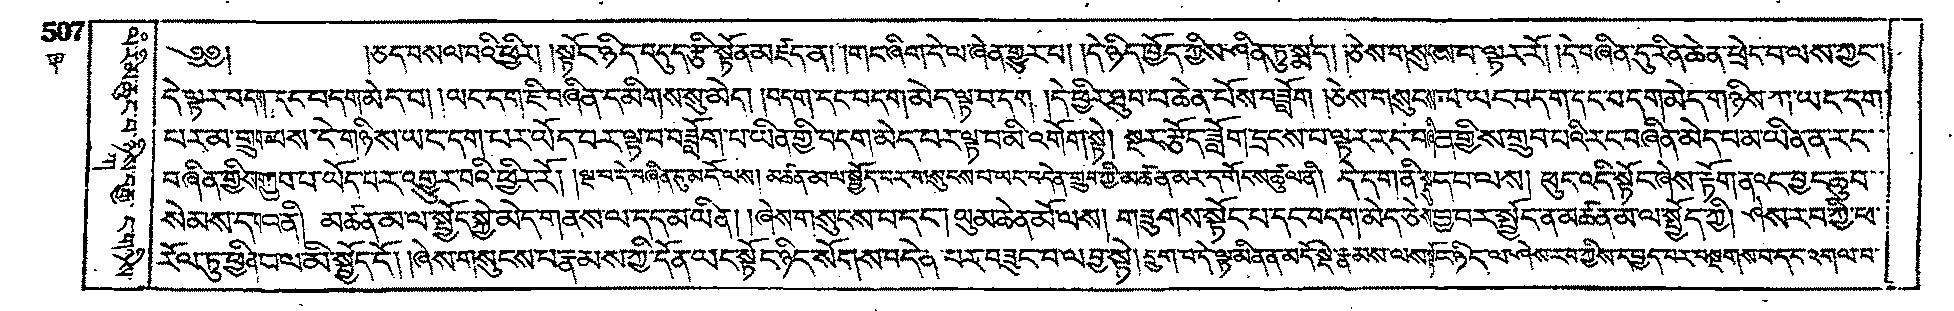༄༅། །ཅད་བསལ་བའི་ཕྱིར། །སྟོང་ཉིད་བདུད་རྩི་སྟོན་མཛད་ན། །གང་ཞིག་དེ་ལ་ཞེན་གྱུར་པ། །དེ་ཉིད་ཁྱོད་ཀྱིས་ཤིན་ཏུ་སྨད། །ཅེས་གསུངས་པ་ལྟར་རོ། །དེ་བཞིན་དུ་རིན་ཆེན་ཕྲེང་བ་ལས་ཀྱང་།
དེ་ལྟར་བདག་དང་བདག་མེད་པ། །ཡང་དག་ཇི་བཞིན་དམིགས་སུ་མེད། །བདག་དང་བདག་མེད་ལྟ་བ་དག །དེ་ཕྱིར་ཐུབ་པ་ཆེན་པོས་བཟློག །ཅེས་གསུངས་པ་ཡང་བདག་དང་བདག་མེད་གཉིས་ཀ་ཡང་དག་
པར་མ་གྲུབ་པས་དེ་གཉིས་ཡང་དག་པར་ཡོད་པར་ལྟ་བ་བཟློག་པ་ཡིན་གྱི་བདག་མེད་པར་ལྟ་བ་མི་འགོག་སྟེ། སྔར་རྩོད་ཟློག་དྲངས་པ་ལྟར་རང་བཞིན་གྱིས་གྲུབ་པའི་རང་བཞིན་མེད་པ་མ་ཡིན་ན་རང་
བཞིན་གྱིས་གྲུབ་པ་ཡོད་པར་འགྱུར་བའི་ཕྱིར་རོ། །ལྔ་པ་དེ་བཞིན་དུ་མདོ་ལས། མཚན་མ་ལ་སྤྱོད་པར་གསུངས་པ་ཡང་བདེན་གྲུབ་ཀྱི་མཚན་མར་དགོངས་ཚུལ་ནི།  དེ་དག་ནི་སྡུད་པ་ལས། ཕུང་འདི་སྟོང་ཞེས་རྟོག་ནའང་བྱང་ཆུབ་
སེམས་དཔའ་ནི། མཚན་མ་ལ་སྤྱོད་སྐྱེ་མེད་གནས་ལ་དད་མ་ཡིན། །ཞེས་གསུངས་པ་དང་། ཡུམ་ཆེན་མོ་ལས། གཟུགས་སྟོང་པ་དང་བདག་མེད་ཅེས་བྱ་བར་སྤྱོད་ན་མཚན་མ་ལ་སྤྱོད་ཀྱི། ཤེས་རབ་ཀྱི་ཕ་
རོལ་ཏུ་ཕྱིན་པ་ལ་མི་སྤྱོད་དོ། །ཞེས་གསུངས་པ་རྣམས་ཀྱི་དོན་ཡང་སྟོང་ཉིད་སོགས་བདེན་པར་བཟུང་བ་ལ་བྱ་སྟེ། དྲུག་པ་དེ་ལྟ་མིན་ན་མདོ་སྡེ་རྣམས་ལས་སྟོང་ནqཨིད་ལ་ཤེས་རབ་ཀྱིས་དཔྱད་པར་བསྔགས་པ་དང་འགལ་བ་